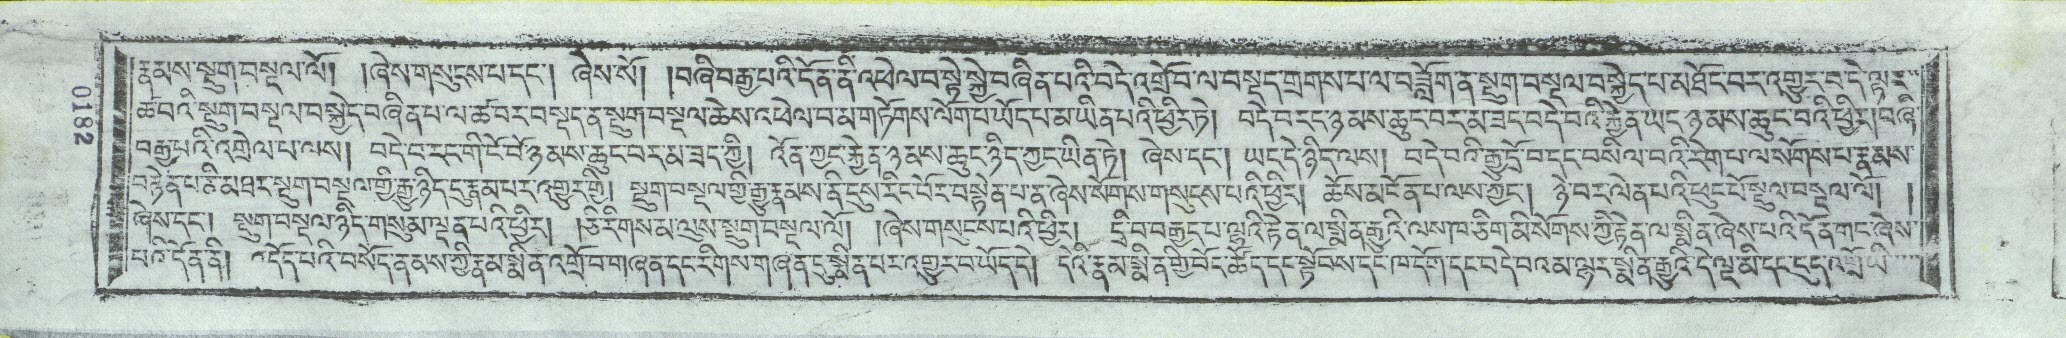རྣམས་སྡུག་བསྔལ་ལོ། །ཞེས་གསུངས་པ་དང་། ཞེས་སོ། །བཞི་བརྒྱ་པའི་དོན་ནི་འཕེལ་བ་སྟེ་སྐྱེ་བཞིན་པའི་བདེ་འགྲོ་བ་ལ་བསྡད་གྲགས་པ་ལ་བཟློག་ན་སྡུག་བསྔལ་བསྐྱེད་པ་མཐོང་བར་འགྱུར་བ་དེ་ལྟར་
ཚ་བའི་སྡུག་བསྔལ་བསྐྱེད་བཞིན་པ་ལ་ཚ་བར་བསྡད་ན་སྡུག་བསྔལ་ཆེས་འཕེལ་བ་མ་གཏོགས་ལོག་པ་ཡོད་པ་མ་ཡིན་པའི་ཕྱིར་ཏེ། བདེ་བ་རང་ཉམས་ཆུང་བར་མ་ཟད་བདེ་བའི་རྐྱེན་ཡང་ཉམས་ཆུང་བའི་ཕྱིར། བཞི་
བརྒྱ་པའི་འགྲེལ་པ་ལས། བདེ་བ་རང་གི་ངོ་བོ་ཉམས་ཆུང་བར་མ་ཟད་ཀྱི། འོན་ཀྱང་རྐྱེན་ཉམས་ཆུང་ཉིད་ཀྱང་ཡིན་ཏེ། ཞེས་དང་། ཡང་དེ་ཉིད་ལས། བདེ་བའི་རྒྱུ་དྲོ་བ་དང་བསིལ་བའི་རེག་པ་ལ་སོགས་པ་རྣམས་
བརྟེན་པ་ནི་མཐར་སྡུག་བསྔལ་གྱི་རྒྱུ་ཉིད་དུ་རྣམ་པར་འགྱུར་གྱི། སྡུག་བསྔལ་གྱི་རྒྱུ་རྣམས་ནི་དུས་རིང་པོར་བསྟེན་པ་ན་ཞེས་སོགས་གསུངས་པའི་ཕྱིར། ཆོས་མངོན་པ་ལས་ཀྱང་། ཉེ་བར་ལེན་པའི་ཕུང་པོ་སྡུག་བསྔལ་ལོ། །
ཞེས་དང་། སྡུག་བསྔལ་ཉིད་གསུམ་ལྡན་པའི་ཕྱིར། །ཅི་རིགས་མ་ལུས་སྡུག་བསྔལ་ལོ། །ཞེས་གསུངས་པའི་ཕྱིར། དྲི་བ་བརྒྱད་པ་ལྷའི་རྟེན་ལ་སྨིན་རྒྱུའི་ལས་ཁ་ཅིག་མི་སོགས་ཀྱི་རྟེན་ལ་སྨིན་ཞེས་པའི་དོན་གང་ཞེས་
པའི་དོན་ནི། འདོད་པའི་བསོད་ནམས་ཀྱི་རྣམ་སྨིན་འགྲོ་བ་གཞན་དང་རིགས་གཞན་དུ་སྨིན་པར་འགྱུར་བ་ཡོད་དེ། དེའི་རྣམ་སྨིན་གྱི་བོང་ཚོད་དང་སྟོབས་དང་ཁ་དོག་དང་བདེ་བའམ་ལྷར་སྨིན་རྒྱུའི་དེ་ལྔ་མི་དང་དུད་འགྲོ་ཡི་